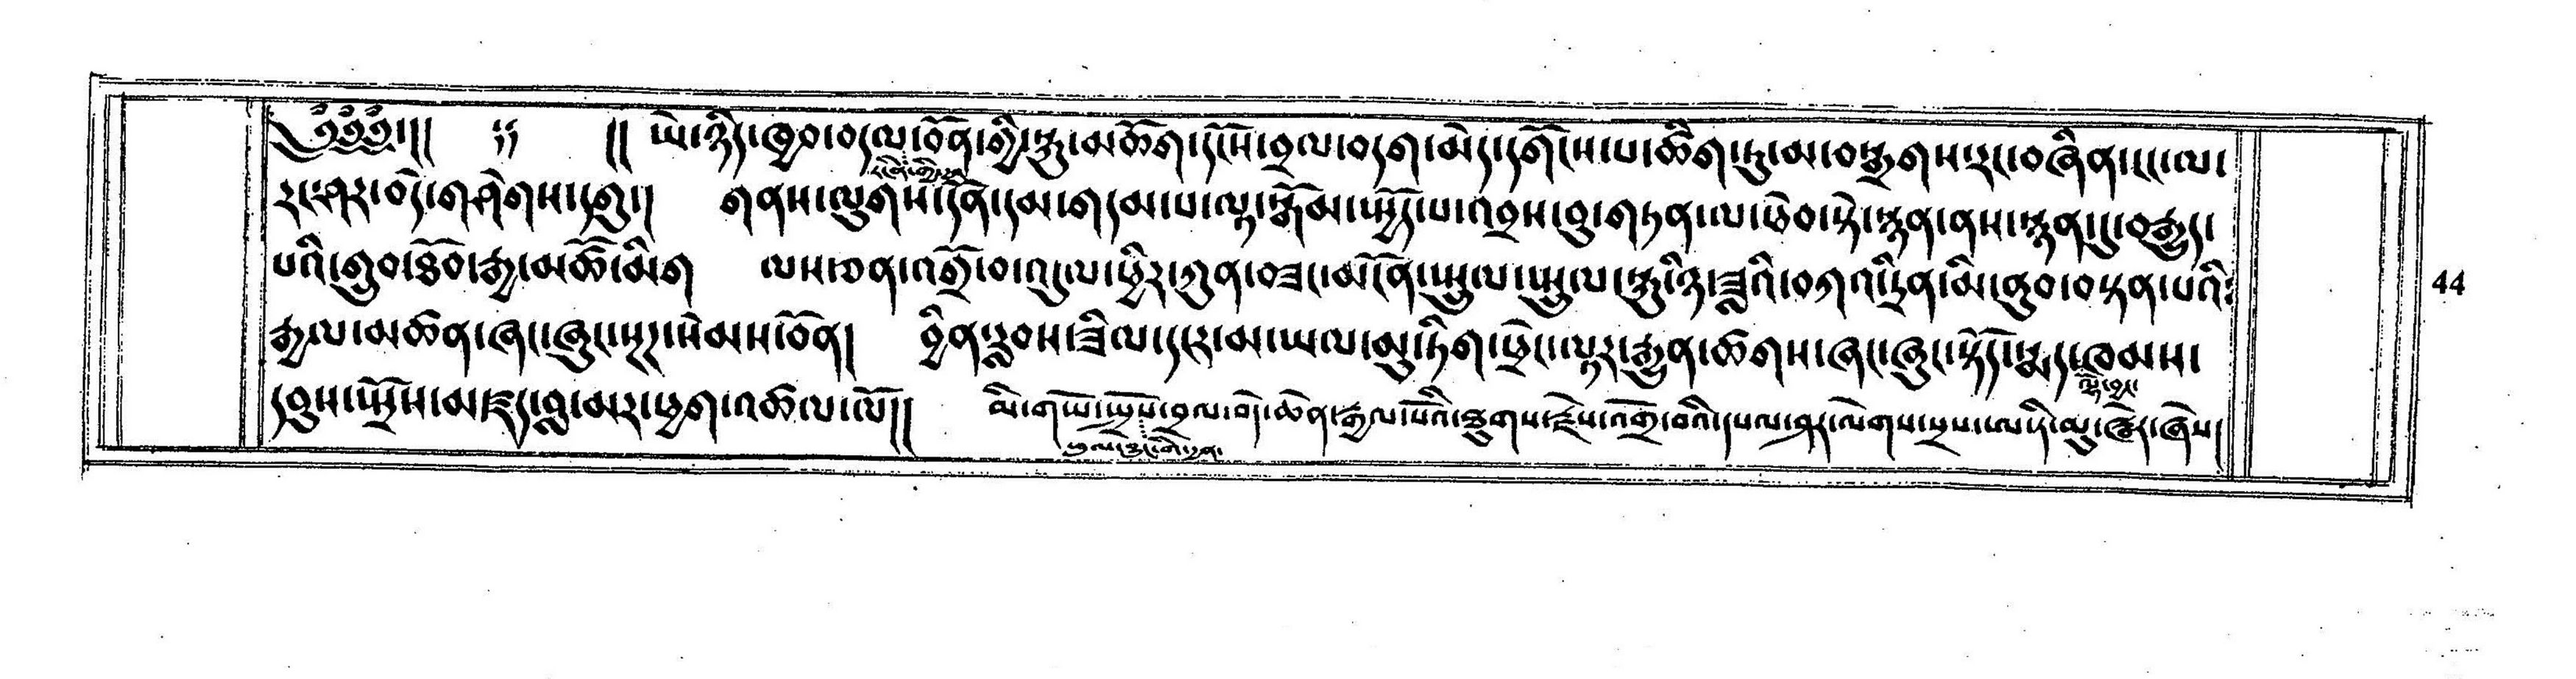༄༅༅།། །།ཡེ་ཉིད་ཁྱབ་བདལ་རང་བཞིན་གྱིས་ན་བོན་གྱི་སྐུ་མཆོག་དངོས་བྲལ་བདག་མེད་དགོངས་པ་ཚིག་ཏུ་མ་བསྒྲགས་རང་བཞིན་ངང་ལ་
རང་ཤར་བདེ་གཤེགས་དགུ། གནས་ལུགས་དོན་དམ་གདམ་པ་ལྟ་སྒོམ་སྤྱོད་པ་འབྲས་བུ་གཏན་ལ་ཕེབ་སྟེ་སྙན་ནས་སྙན་དུ་བརྒྱུད་
པའི་གྲུབ་ཐོབ་རྒྱ་མཚོ་མིག ལས་ཅན་འགྲོ་བ་འདུལ་ཕྱིར་ཀུན་བཟང་མངོན་སྤྲུལ་སྤྲུལ་སྐུ་ཉི་ཟླའི་བཀའ་དྲིན་མི་ནུབ་བསྟན་པའི་
རྒྱལ་མཚན་ཞང་ཞུང་སྔགས་སེམས་བོན། བྱིན་རླབས་ཟིལ་དངར་མ་ཡལ་མུ་ཏིག་ཕྲེང་ལྟར་རྒྱུན་ཆགས་ཞང་ཞུང་སྟོད་སྨད་ལྷོ་བྱང་ཁམས་
དབུས་སྤྲོས་མཛད་བླ་མར་ཕྱག་འཚལ་ལོ།། མི་གཡོ་སྤྲོས་(ཕུལ་བྱུང་གི་རྒྱན་) བྲལ་བདེ་ཆེན་རྒྱལ་པོའི་ཐུགས་རྗེས་འགྲོ་བའི་དཔལ་ཤར་ལེགས་སྲས་ཨ་ཏི་མུ་ཝེར་ཞེས།